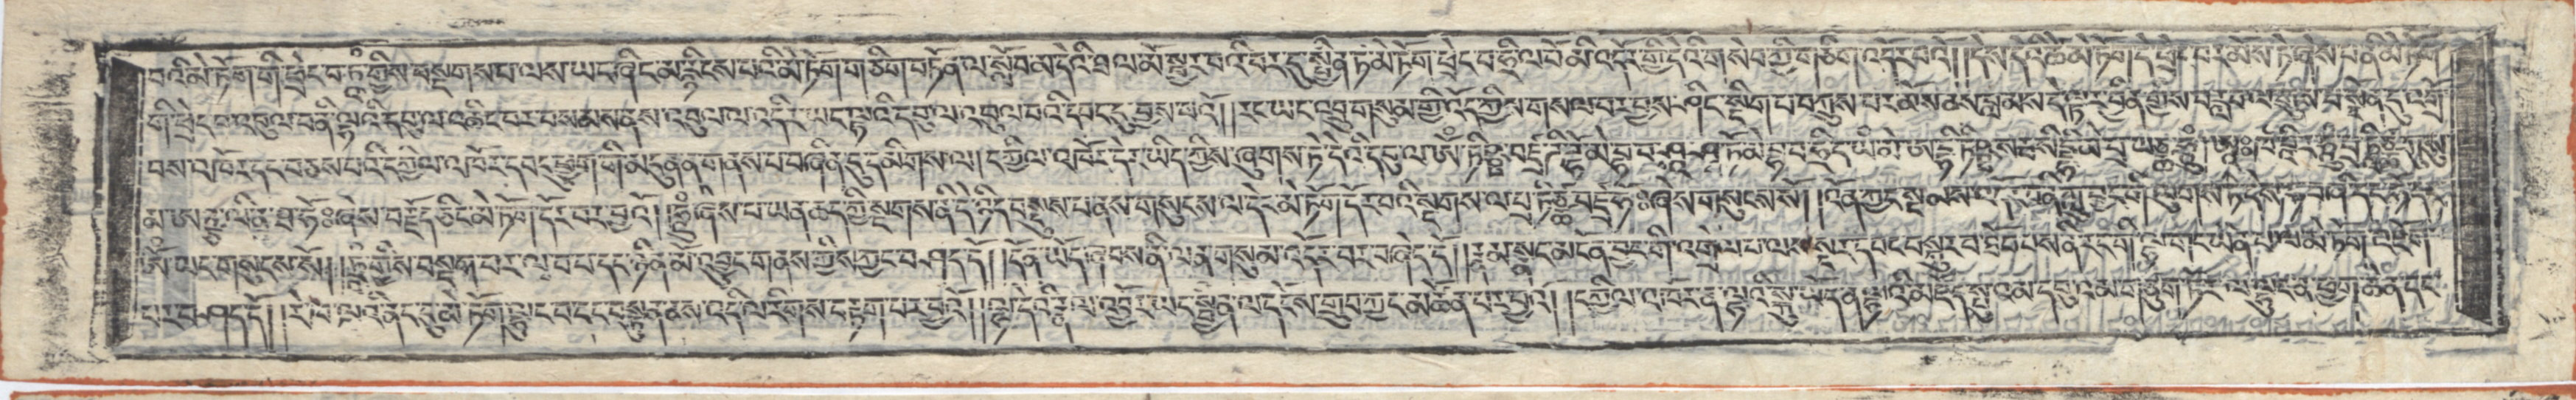བའི་མེ་ཏོག་གི་ཕྲེང་བ་ཏའཾ་གྱིས་བསྔགས་པ་ལས་ཡང་ཞིང་མ་རྙིངས་པའི་མེ་ཏོག་གཅིག་བཏོན་ལ་སློབ་མ་དེའི་ཐལ་མོ་སྦྱར་བའི་བར་དུ་སྤྱིན་ཏེ་མེ་ཏོག་ཕྲེང་བ་ཧྲི་ལ་པོ་མི་འདོར་གྱི་དེའི་གསེབ་ཀྱི་གཅིག་འདིར་བའོ། །དེས་དེའི་ཚེ་མེ་ཏོག་དེ་ཕྲེང་བར་མོས་ཏེ་ཞེས་པ་ནི་མེ་ཏོག་
གི་ཕྲེང་བ་འབུལ་བ་ནི་ལྷའི་དབུ་ལ་འཆིང་བར་བསམས་ནས་འབུལ་ལ་འདིར་ཡང་ལྷའི་དབུ་ལ་འབུལ་བའི་དབང་དུ་བྱས་པའོ། །རང་ཡང་འབྲུ་གསུམ་གྱི་འོད་ཀྱིས་གསལ་བར་བྱས་ཤིང་སྡིག་པ་བཀྲུས་པར་མོས་ནས་བླ་མས་དེ་ལྟར་བྱིན་གྱིས་བརླབ་ལ་གུས་པ་སྔོན་དུ་འགྲོ་
བས་འཁོར་དང་བཅས་པའི་དཀྱིལ་འཁོར་དབང་ཕྱུག་གི་མདུན་ན་གནས་པ་བཞིན་དུ་དམིགས་ལ། དཀྱིལ་འཁོར་དེར་ཡིད་ཀྱིས་ཞུགས་ཏེ་དེའི་དབུ་ལ་ཨོཾ་ཏིཥཊཿཨ་བཛྲ་ཌི་ཌྷོ་མེ་བྷ་བ་ཤཱ་ཤྭ་ཏོ་མེ་བྷ་བ་ཧྲི་ད་ཡཾ་མེ་ཨ་དྷི་ཏིཥཊཿཨ་སརྦ་སི་དྡྷི་མེ་པྲ་ཡཙྪ་ཧཱུཾ། ཨཱཿ ཁཾ་བཱི་ར་ཧཱུཾ་པྲ་ཏཱིཙྪ་ཀུ་སུ་
མ་ཨཉྩ་ལི་ནཱ་ཐ་ཧོཿ ཞེས་བརྗོད་ཅིང་མེ་ཏོག་དོར་བར་བྱའོ། །ཧཱུཾ་ཞེས་པ་ཡན་ཆད་ཀྱི་སྔགས་ནི་དེ་ཉིད་བསྡུས་པ་ནས་གསུངས་ལ་དེར་མེ་ཏོག་དོར་བའི་སྔགས་ལ་པྲ་ཏིཙྪ་བཛྲ་ཧོཿ ཞེས་གསུངས་སོ། །འོན་ཀྱང་སྔམས་འདོར་བ་ནི་ཀླུ་བྱང་གི་ལུགས་ཏེ་དེས་ཧ་བཞི་དང་ཧོ་དང་
ཨོཾ་ཡང་གསུངས་སོ། །ཏརའཾ་གྱིས་བསྔག་པར་ལྭ་བ་པ་དང་ཉིན་མོ་འབྱུང་གནས་ཀྱིས་ཀྱང་བཤད་དོ། །དོན་ཡོད་ཞབས་ནི་ལན་གསུམ་འདོར་བར་བཞེད་དོ། །རྣམ་སྣང་མངོན་བྱང་གི་འགྲེལ་པ་ལས་སྔར་དབང་བསྐུར་བ་ཐོབ་པས་ནི་རང་གི་ལྷ་གང་ཡིན་པ་ལ་མེ་ཏོག་འཇོག་
པར་བཤད་དོ། །རེ་ཁ་ལྷའི་ནང་དུ་མེ་ཏོག་ལྷུང་བ་དང་བསྟུན་ནས་འདི་ལ་རིགས་བརྟག་པར་བྱའོ། །ལྷ་དེའི་རྣལ་འབྱོར་ཡང་སྦྱིན་ལ་དངོས་གྲུབ་ཀྱང་མཚོན་པར་བྱའོ། །དཀྱིལ་འཁོར་ན་ལྷའི་སྐུ་ཡོད་ན་ལྷའི་མཛོད་སྤུ་འམ་དབུ་འམ་གཙུག་ཏོར་ལ་ལྷུང་ན་ཕྱག་ཆེན་དང་